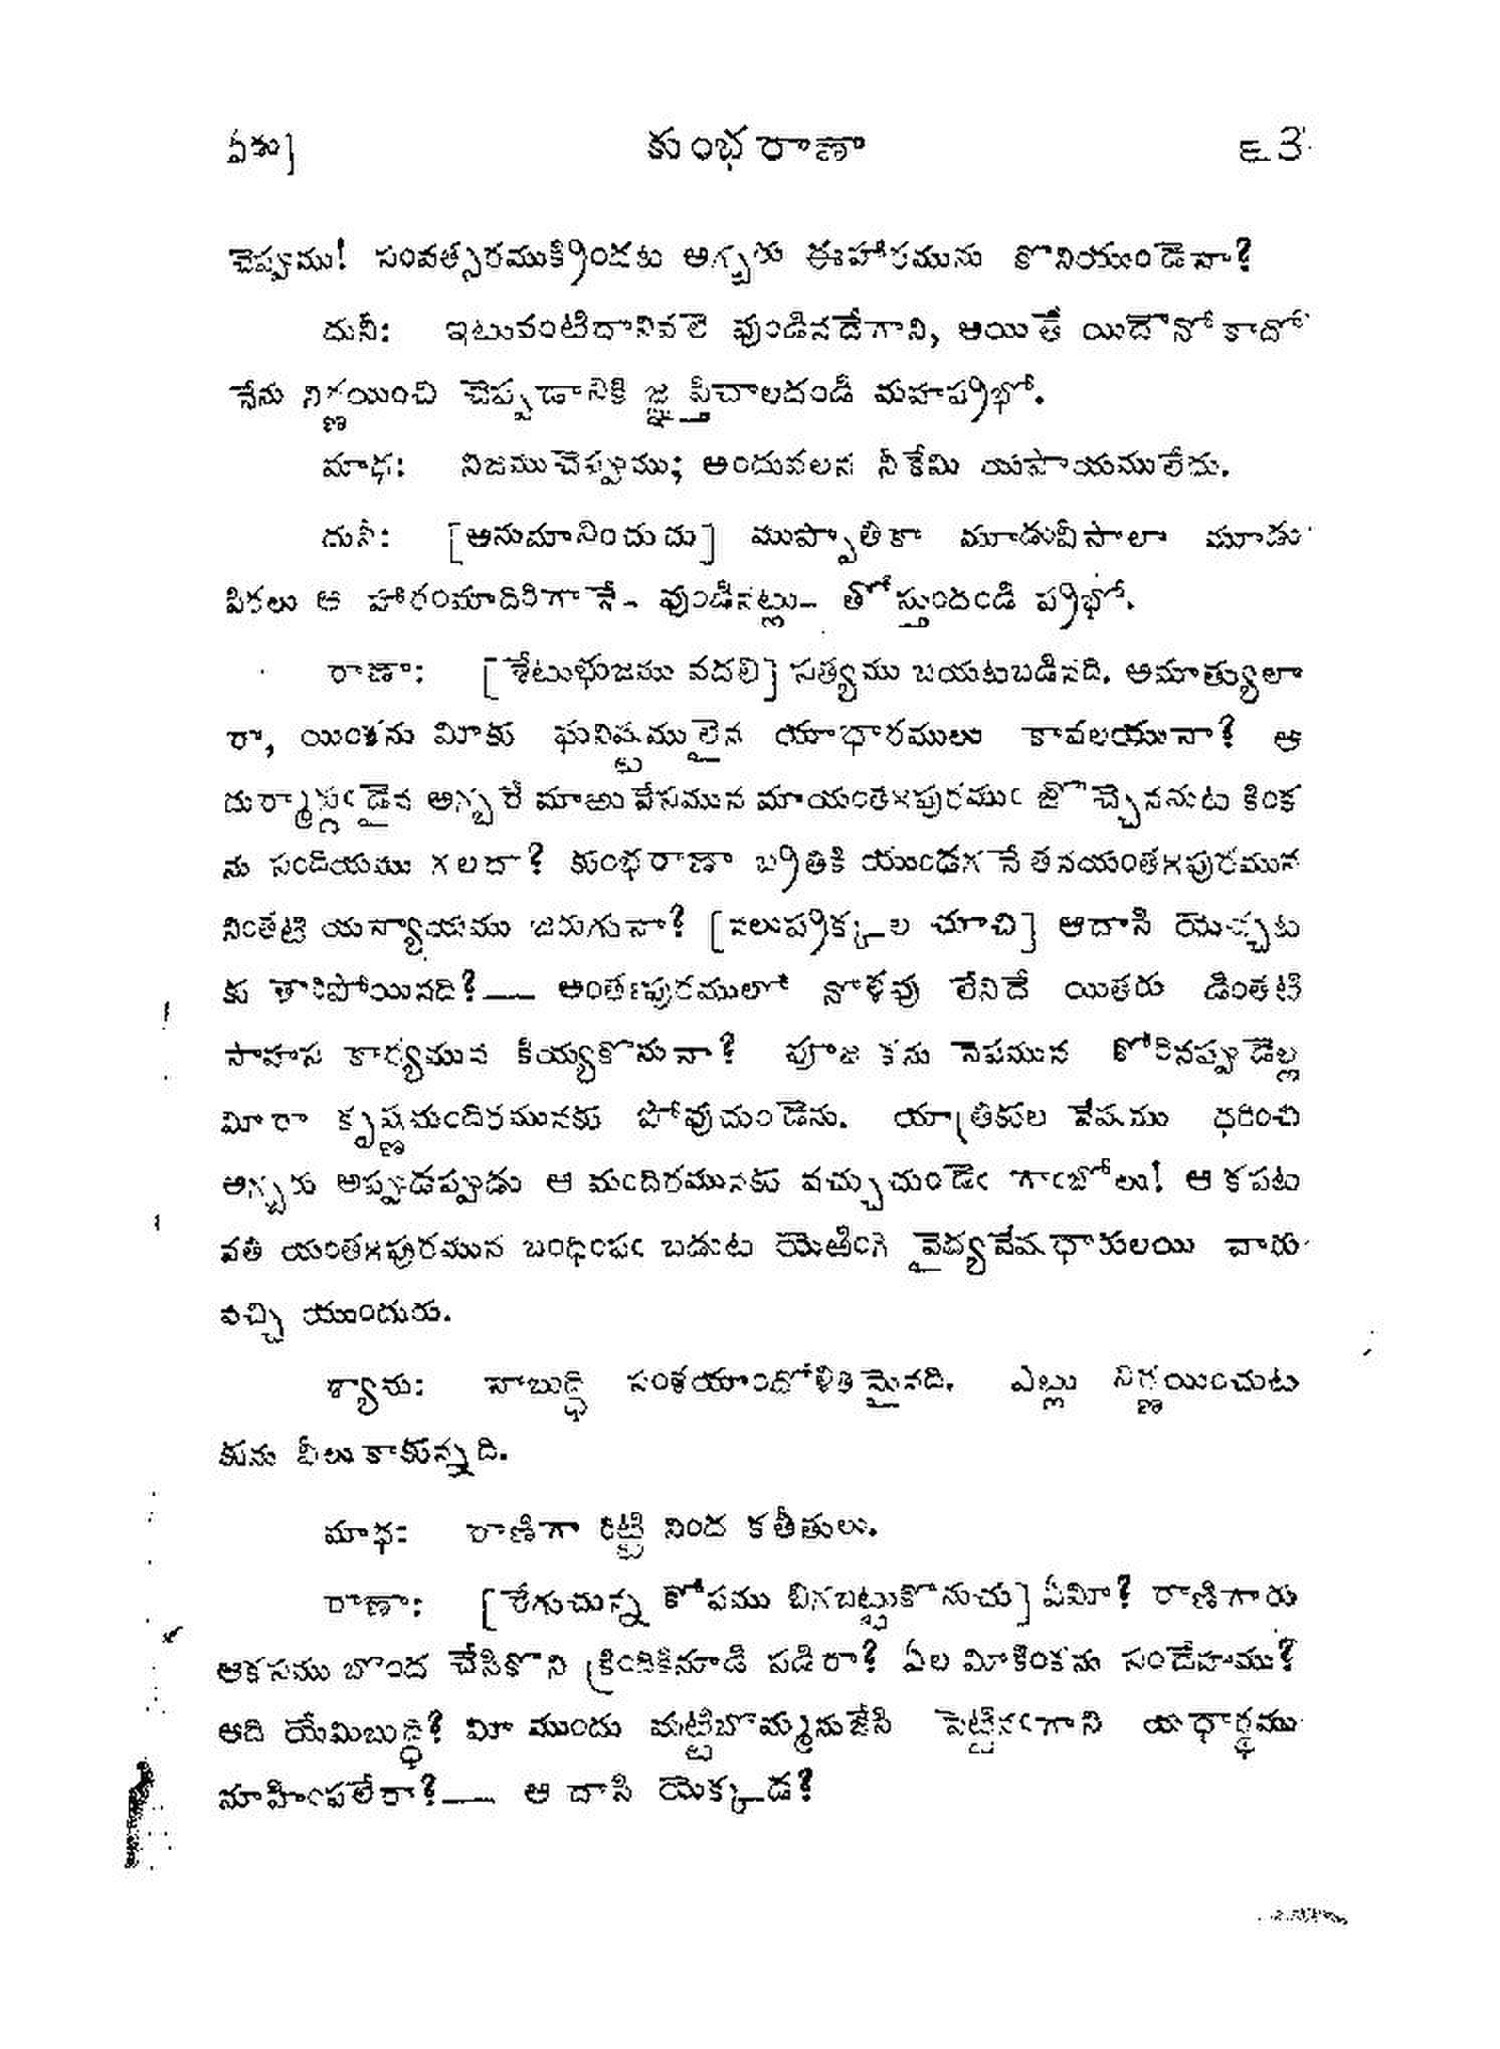చెప్పుము ! సంవత్సరముక్రిందట అగ్బరు ఈహారమును కొనియుండెనా?

దునీ " ఇటువంటిదానివలె వుండినదేగాని, అయితే యిదౌనోకాదో నేను నిర్ణయించి చెప్పడానికి జ్ఞప్తిచాలదండి మహప్రభో.

మాధ : నిజముచెప్పుము; అందువలన నీకేమి యపాయములేదు.

దునీ : [అనుమానించుచు] ముప్పాతికా మూడువీసాలా మూడు పిరలు ఆ హారంమాదిరిగానే - వుండినట్లు - తోస్తుందండి ప్రభో.

రాణా : [శేటుభుజము వదలి] సత్యము బయటబడినది. అమాత్యులారా, యింకను మీకు ఘనిష్టములైన యాధారములు కావలయునా ? ఆ దుర్మార్గుఁడైన అగ్బరే మాఱువేసమున మాయంత:పురముఁ జొచ్చెననుట కింకను సందియము గలదా ? కుంభరాణా బ్రతికి యుండగనే తనయంత:పురమున నింతటి యన్యాయము జరుగునా ? [నలుప్రక్కల చూచి] ఆదాసి యెచ్చటకు తారిపోయినది? - అంత:పురములో నొళవు లేనిదే యితరు డింతటి సాహస కార్యమున కియ్యకొనునా ? పూజ కను నెపమున కోరినప్పుడెల్ల మీరా కృష్ణమందిరమునకు పోవుచుండెను. యాత్రికుల వేషము ధరించి అగ్బరు అప్పుడప్పుడు ఆ మందిరమునకు వచ్చుచుండెఁ గాఁబోలు ! ఆ కపట వతి యంత:పురమున బంధింపఁ బడుట యెఱింగి వైద్యవేషధారులయి వారు వచ్చి యుందురు.

శ్యామ : నాబుద్ధి సంశయాందోళితమైనది. ఎట్లు నిర్ణయించుటకును వీలు కాకున్నది.

మాధ : రాణిగా రిట్టి నింద కతీతులు.

రాణా : [రేగుచున్న కోపము బిగబట్టుకొనుచు] ఏమీ? రాణిగారు ఆకసము బొంద చేసికొని క్రిందికినూడి పడిరా ? ఏల మీకింకను సందేహము ? అది యేమిబుద్ధి ? మీ ముందు మట్టిబొమ్మనజేసి పెట్టినఁగాని యధార్థము నూహింపలేరా ? - ఆ దాసి యెక్కడ ?